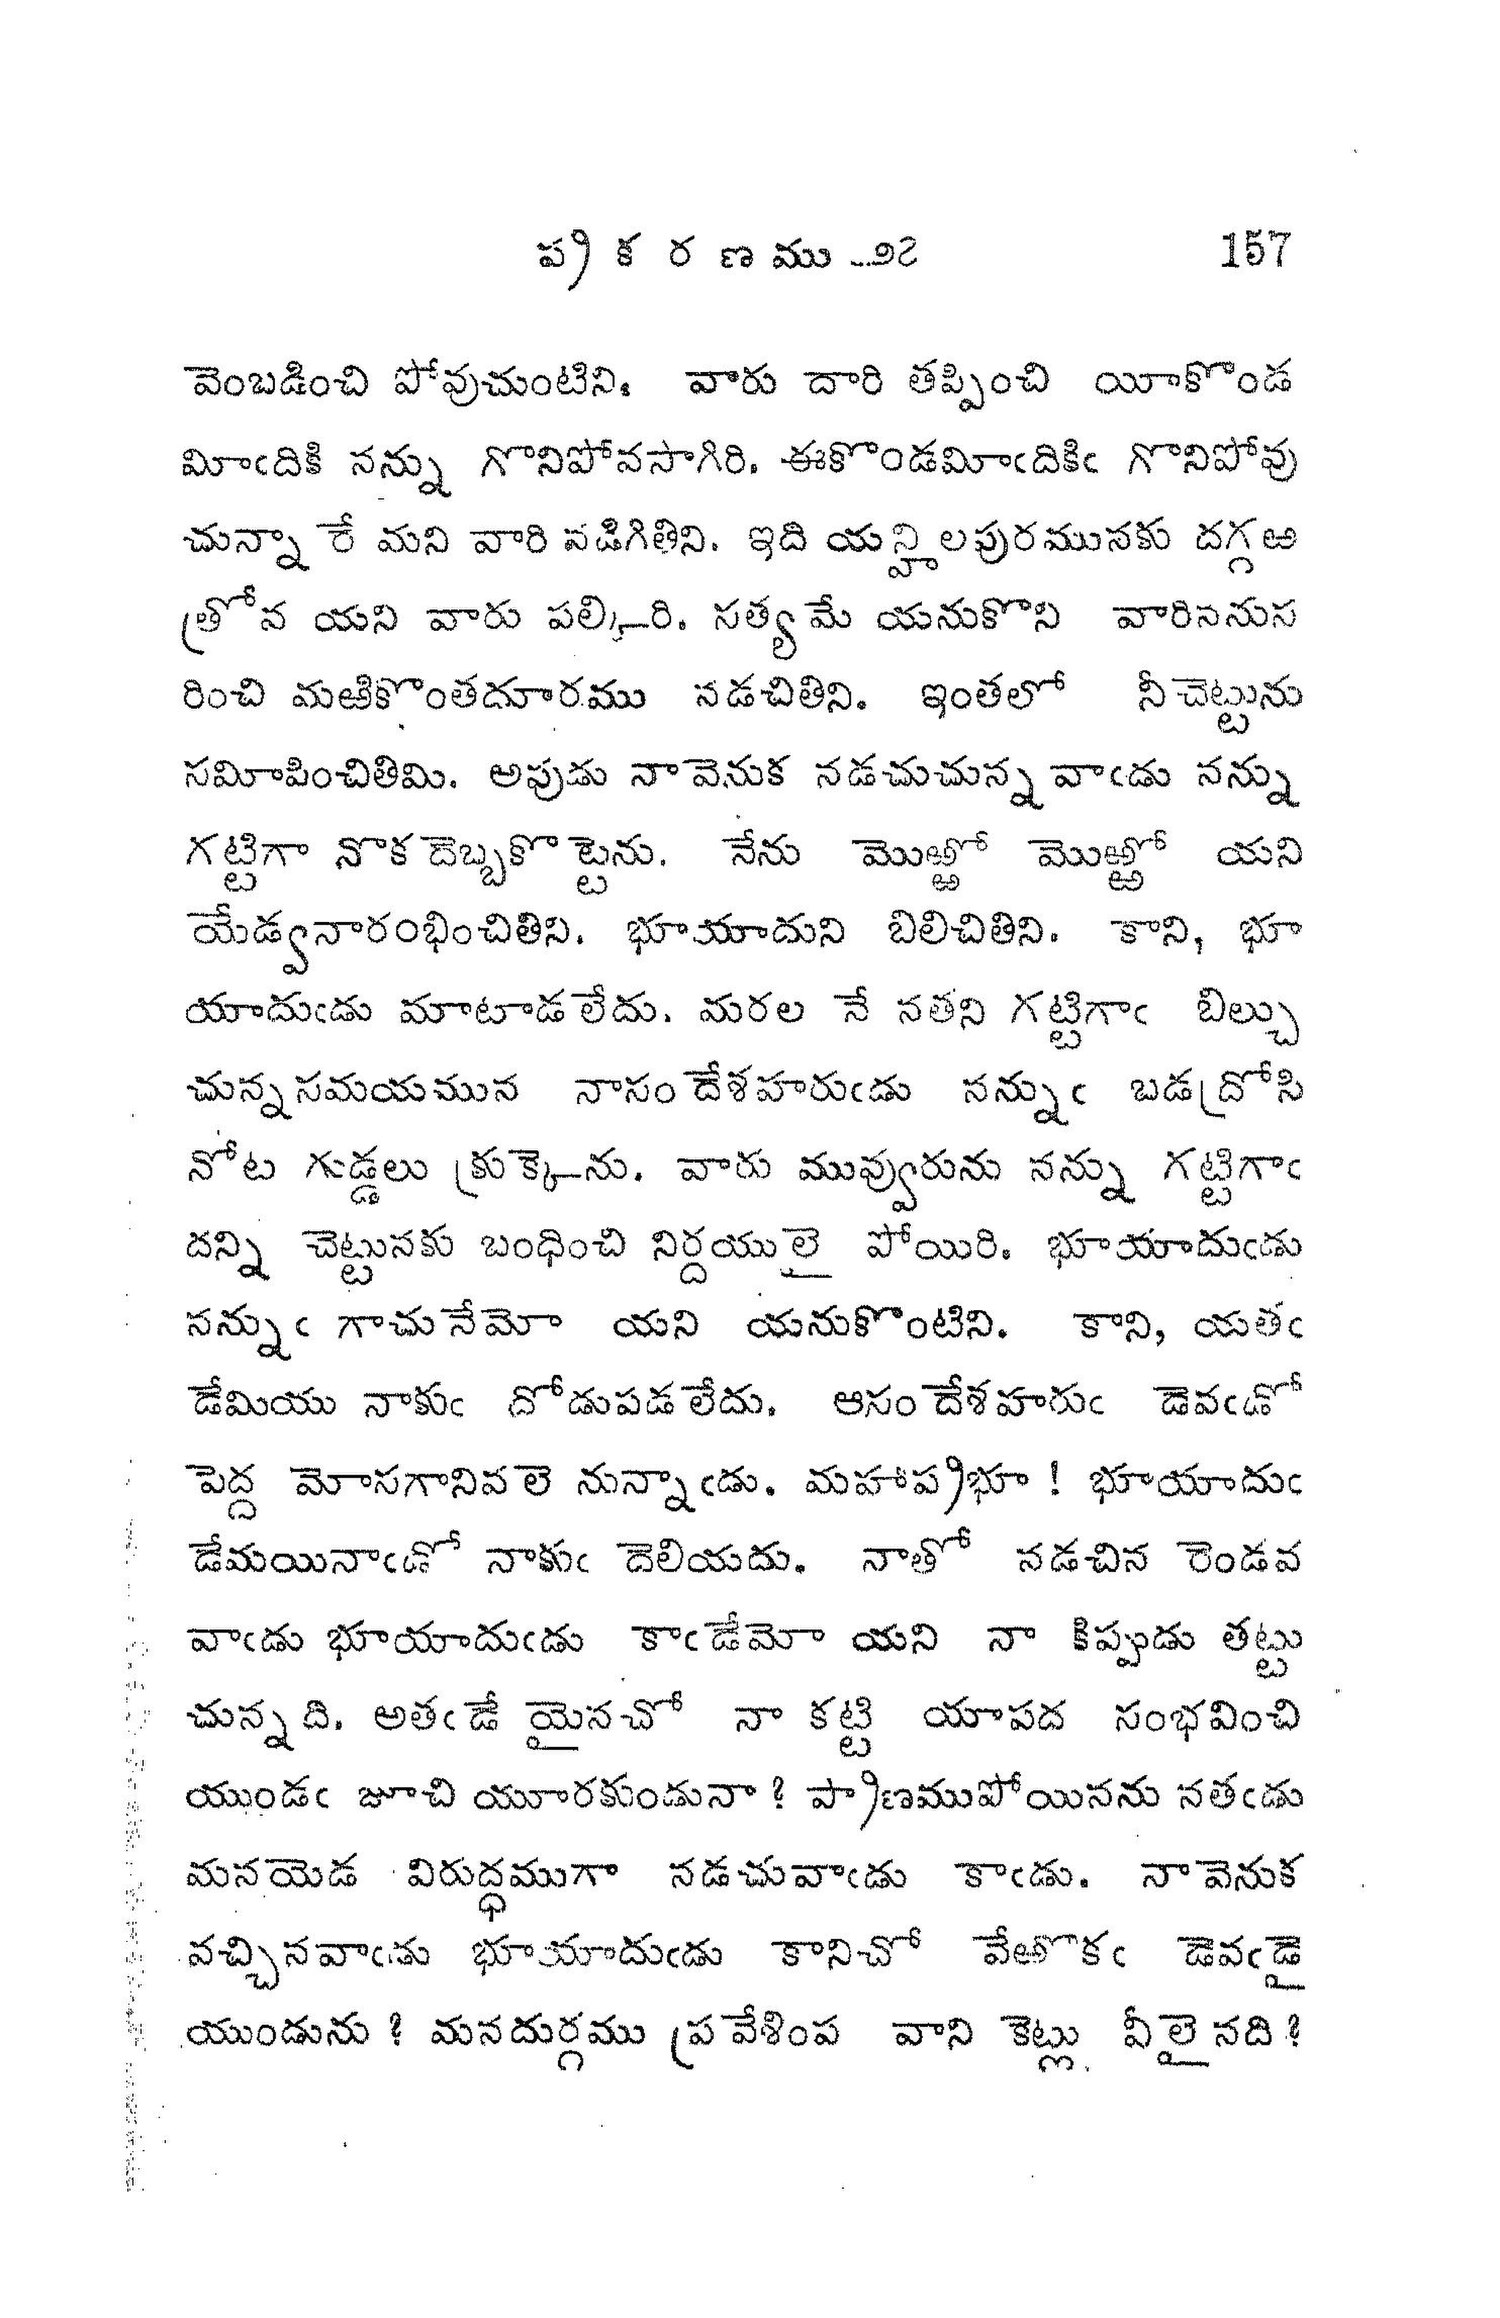వెంబడించి పోవుచుంటిని, వారు దారి తప్పించి యీకొండ
మీఁదికి నన్ను గొనిపోవసాగిరి. ఈ కొండమీఁదికిఁ గొనిపోవు
చున్నా రే మని వారి నడిగితిని. ఇది యన్డిలపురమునకు దగ్గజ
త్రోన యని వారు పలిరి. సత్య మే యనుకొని వారిసనుస
రించి మఱికొంతదూరము నడచితిని. ఇంతలో నీ చెట్టును
సమిపించితిమి. అపుడు నా వెనుక నడచుచున్న వాఁడు నన్ను
గట్టిగా నొక దెబ్బకొట్టెను. నేను మొర్రో మొర్రో యని
యేడ్వనారంభించితిని. భూయాదుని బిలిచితిని. కాని, భూ
యాదుఁడు మాటాడ లేదు. మరల నే నతని గట్టిగాఁ బిల్చు
చున్న సమయమున
నాసం దేశహరుఁడు నన్నుఁ బడద్రోసి
నోట గడ్డలు క్రుక్కెను. వారు మువ్వురును నన్ను గట్టిగాఁ
దన్ని చెట్టునకు బంధించి నిర్దయు లై పోయిరి. భూయాదుఁడు
నన్నుఁ గాచు నేమో యని యనుకొంటిని. కాని యత
డేమియు నాకుఁ దోడుపడ లేదు, ఆసం దేశహరుఁ డెవఁడో
పెద్ద మోసగానివ లె నున్నాఁడు, మహాప్రభూ ! భూయాదుఁ
డేమయినాఁడో నాకుఁ దెలియదు. నాతో నడచిన రెండవ
వాఁడు భూయాదుఁడు కాఁడేమో యని నా కిప్పుడు తట్టు
చున్న ది. అతఁడే యైనచో నా కట్టి యాపద సంభవించి
యుండఁ జూచి యూరకుండునా ? ప్రాణముపోయినను నతఁడు
మన యెడ విరుద్ధముగా నడచువాఁడు కాఁడు. నా వెనుక
వచ్చినవాఁడు భూయాదుఁడు కానిచో వేఱొకఁ డెవఁడై
యుండును ? మనదుర్గము ప్రవేశింప వాని కెట్లు. వీలైనది ?